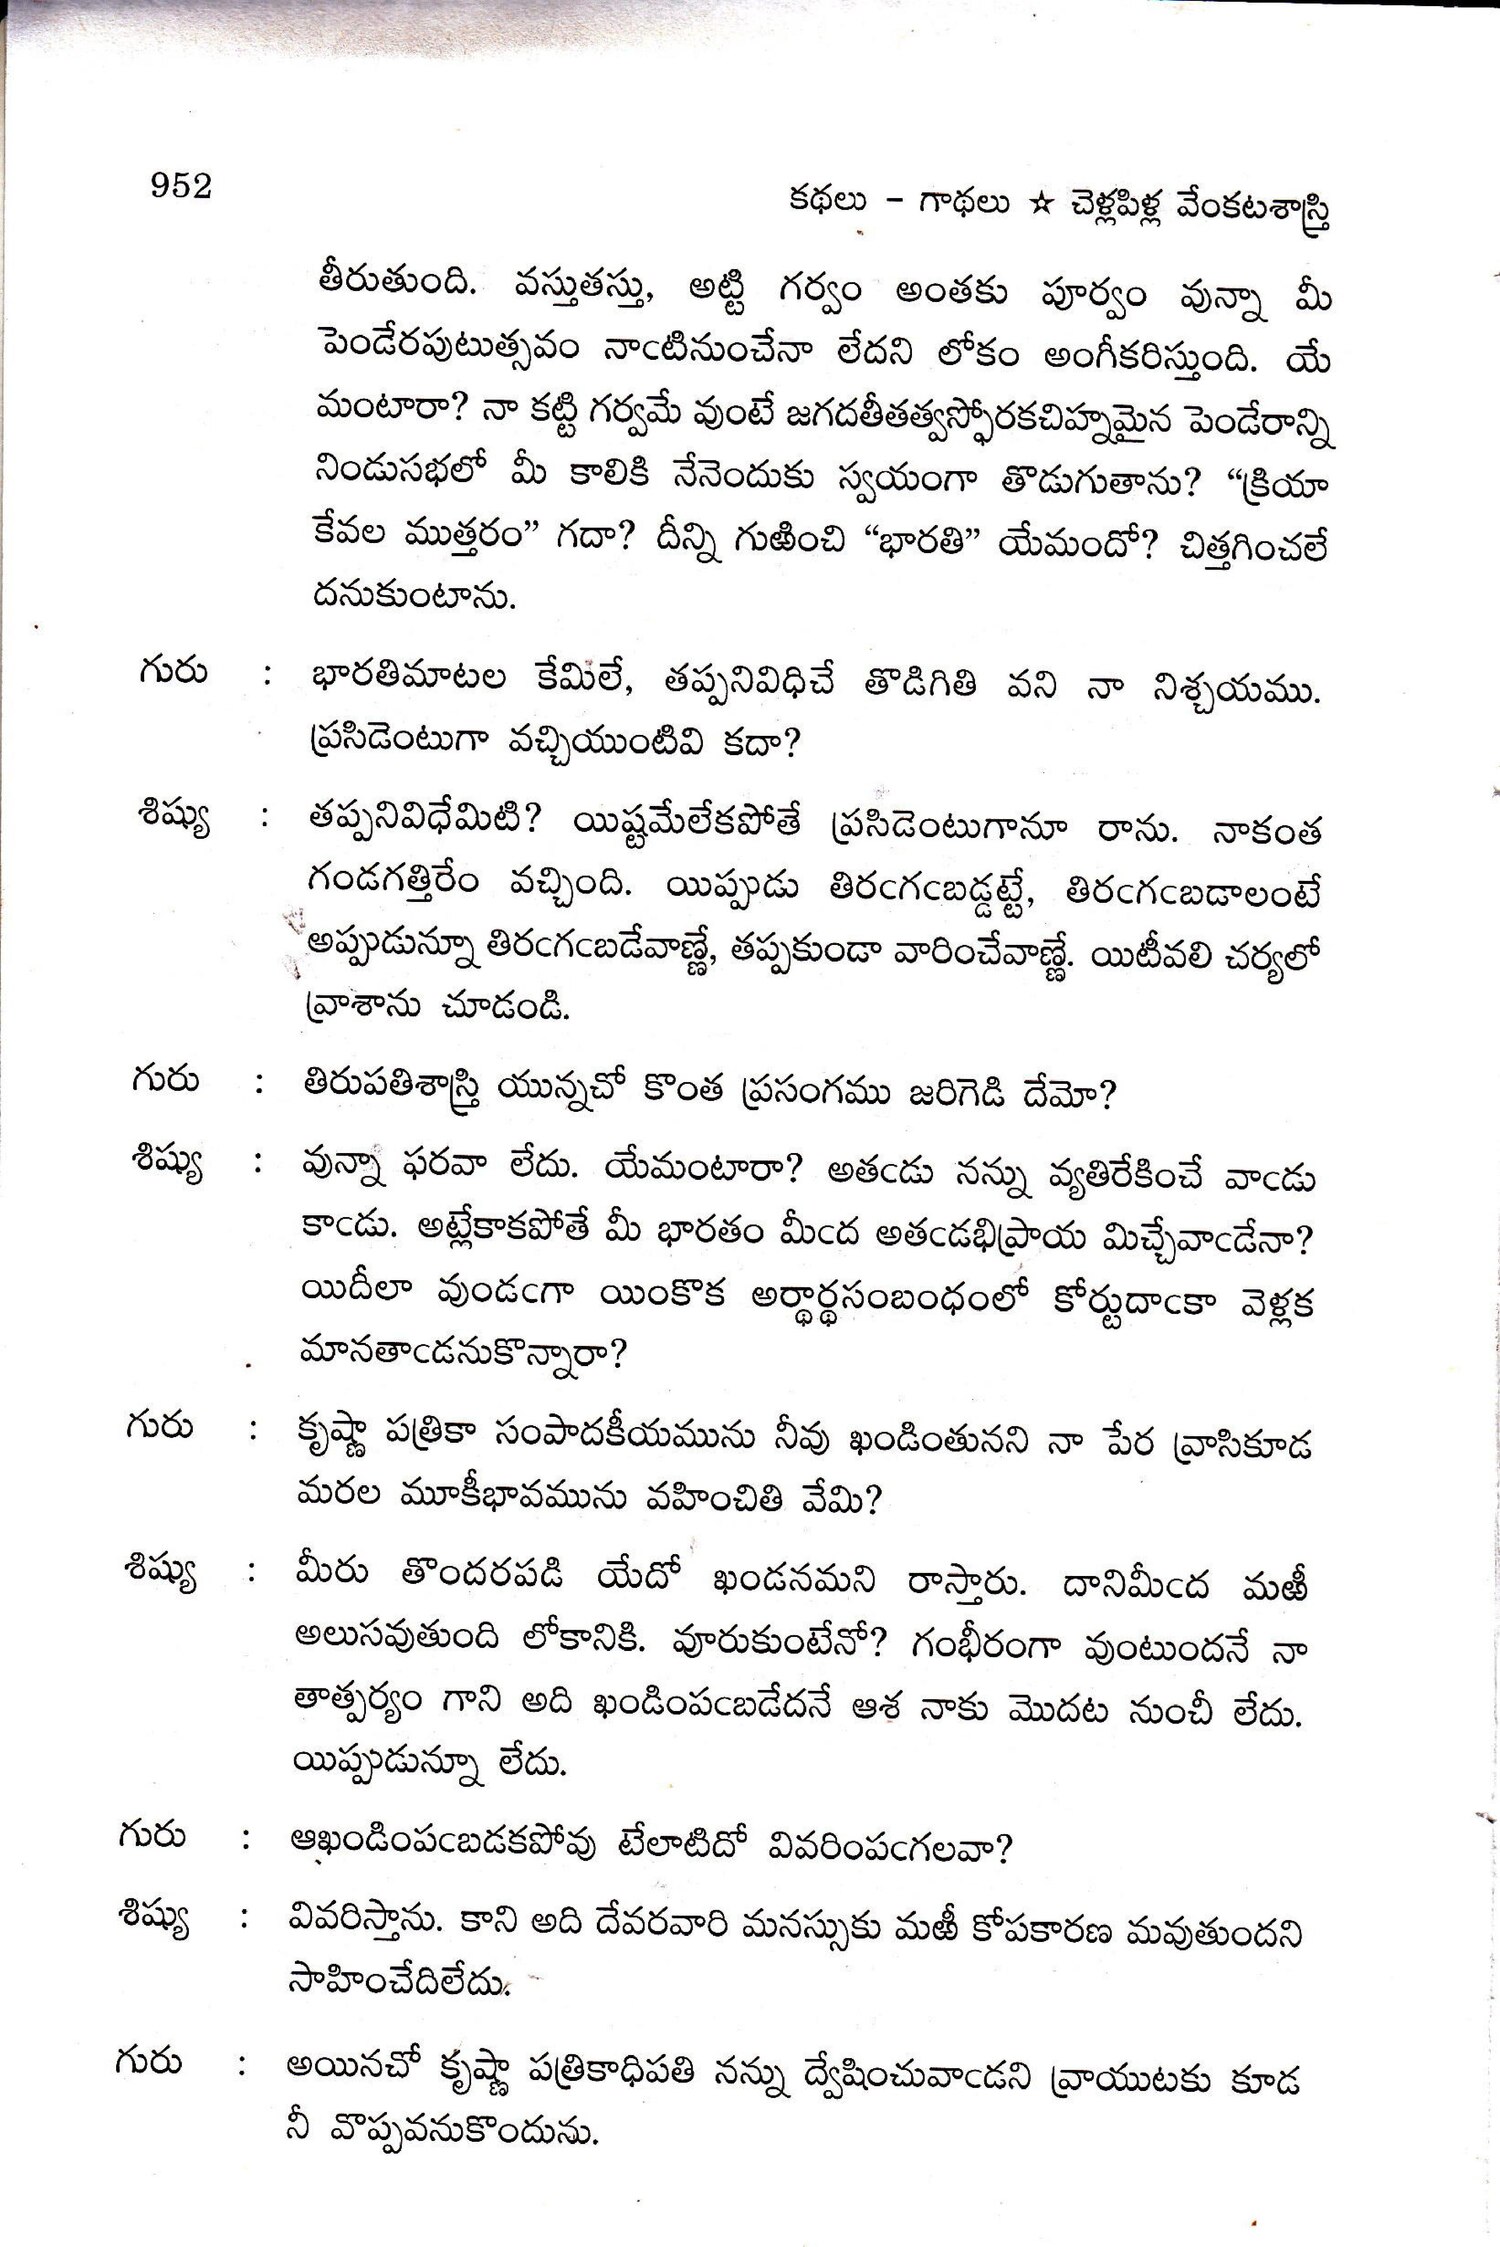తీరుతుంది. వస్తుతస్తు, అట్టి గర్వం అంతకు పూర్వం వున్నా మీ పెండేరపుటుత్సవం నాఁటినుంచేనా లేదని లోకం అంగీకరిస్తుంది. యే మంటారా? నా కట్టి గర్వమే వుంటే జగదతీతత్వస్ఫోరకచిహ్నమైన పెండేరాన్ని నిండుసభలో మీ కాలికి నేనెందుకు స్వయంగా తొడుగుతాను? “క్రియా కేవల ముత్తరం” గదా? దీన్ని గుఱించి "భారతి" యేమందో? చిత్తగించలే దనుకుంటాను.

గురు : భారతిమాటల కేమిలే, తప్పనివిధిచే తొడిగితి వని నా నిశ్చయము. ప్రసిడెంటుగా వచ్చియుంటివి కదా?

శిష్యు : తప్పనివిధేమిటి? యిష్టమేలేకపోతే ప్రసిడెంటుగానూ రాను. నాకంత గండగత్తిరేం వచ్చింది. యిప్పుడు తిరఁగఁబడ్డట్టే, తిరఁగఁబడాలంటే అప్పుడున్నూ తిరఁగఁబడేవాణ్ణే, తప్పకుండా వారించేవాణ్ణి. యిటీవలి చర్యలో వ్రాశాను చూడండి.

గురు : తిరుపతిశాస్త్రి యున్నచో కొంత ప్రసంగము జరిగెడి దేమో?

శిష్యు : వున్నా ఫరవా లేదు. యేమంటారా? అతఁడు నన్ను వ్యతిరేకించే వాఁడు కాఁడు. అట్లేకాకపోతే మీ భారతం మీఁద అతఁడభిప్రాయ మిచ్చేవాఁడేనా? యిదీలా వుండఁగా యింకొక అర్ధార్ధసంబంధంలో కోర్డుదాఁకా వెళ్లక మానతాఁడనుకొన్నారా?

గురు : కృష్ణా పత్రికా సంపాదకీయమును నీవు ఖండింతునని నా పేర వ్రాసికూడ మరల మూకీభావమును వహించితి వేమి? 

శిష్యు : మీరు తొందరపడి యేదో ఖండనమని రాస్తారు. దానిమీఁద మఱీ అలుసవుతుంది లోకానికి. వూరుకుంటేనో? గంభీరంగా వుంటుందనే నా తాత్పర్యం గాని అది ఖండింపఁబడేదనే ఆశ నాకు మొదట నుంచీ లేదు. యిప్పడున్నూ లేదు.
.
గురు : ఆఖండింపఁబడకపోవు టేలాటిదో వివరింపఁగలవా?

శిష్యు : వివరిస్తాను. కాని అది దేవరవారి మనస్సుకు మఱీ కోపకారణ మవుతుందని సాహించేదిలేదు. 

గురు : అయినచో కృష్ణా పత్రికాధిపతి నన్ను ద్వేషించువాఁడని వ్రాయుటకు కూడ నీ వొప్పవనుకొందును.